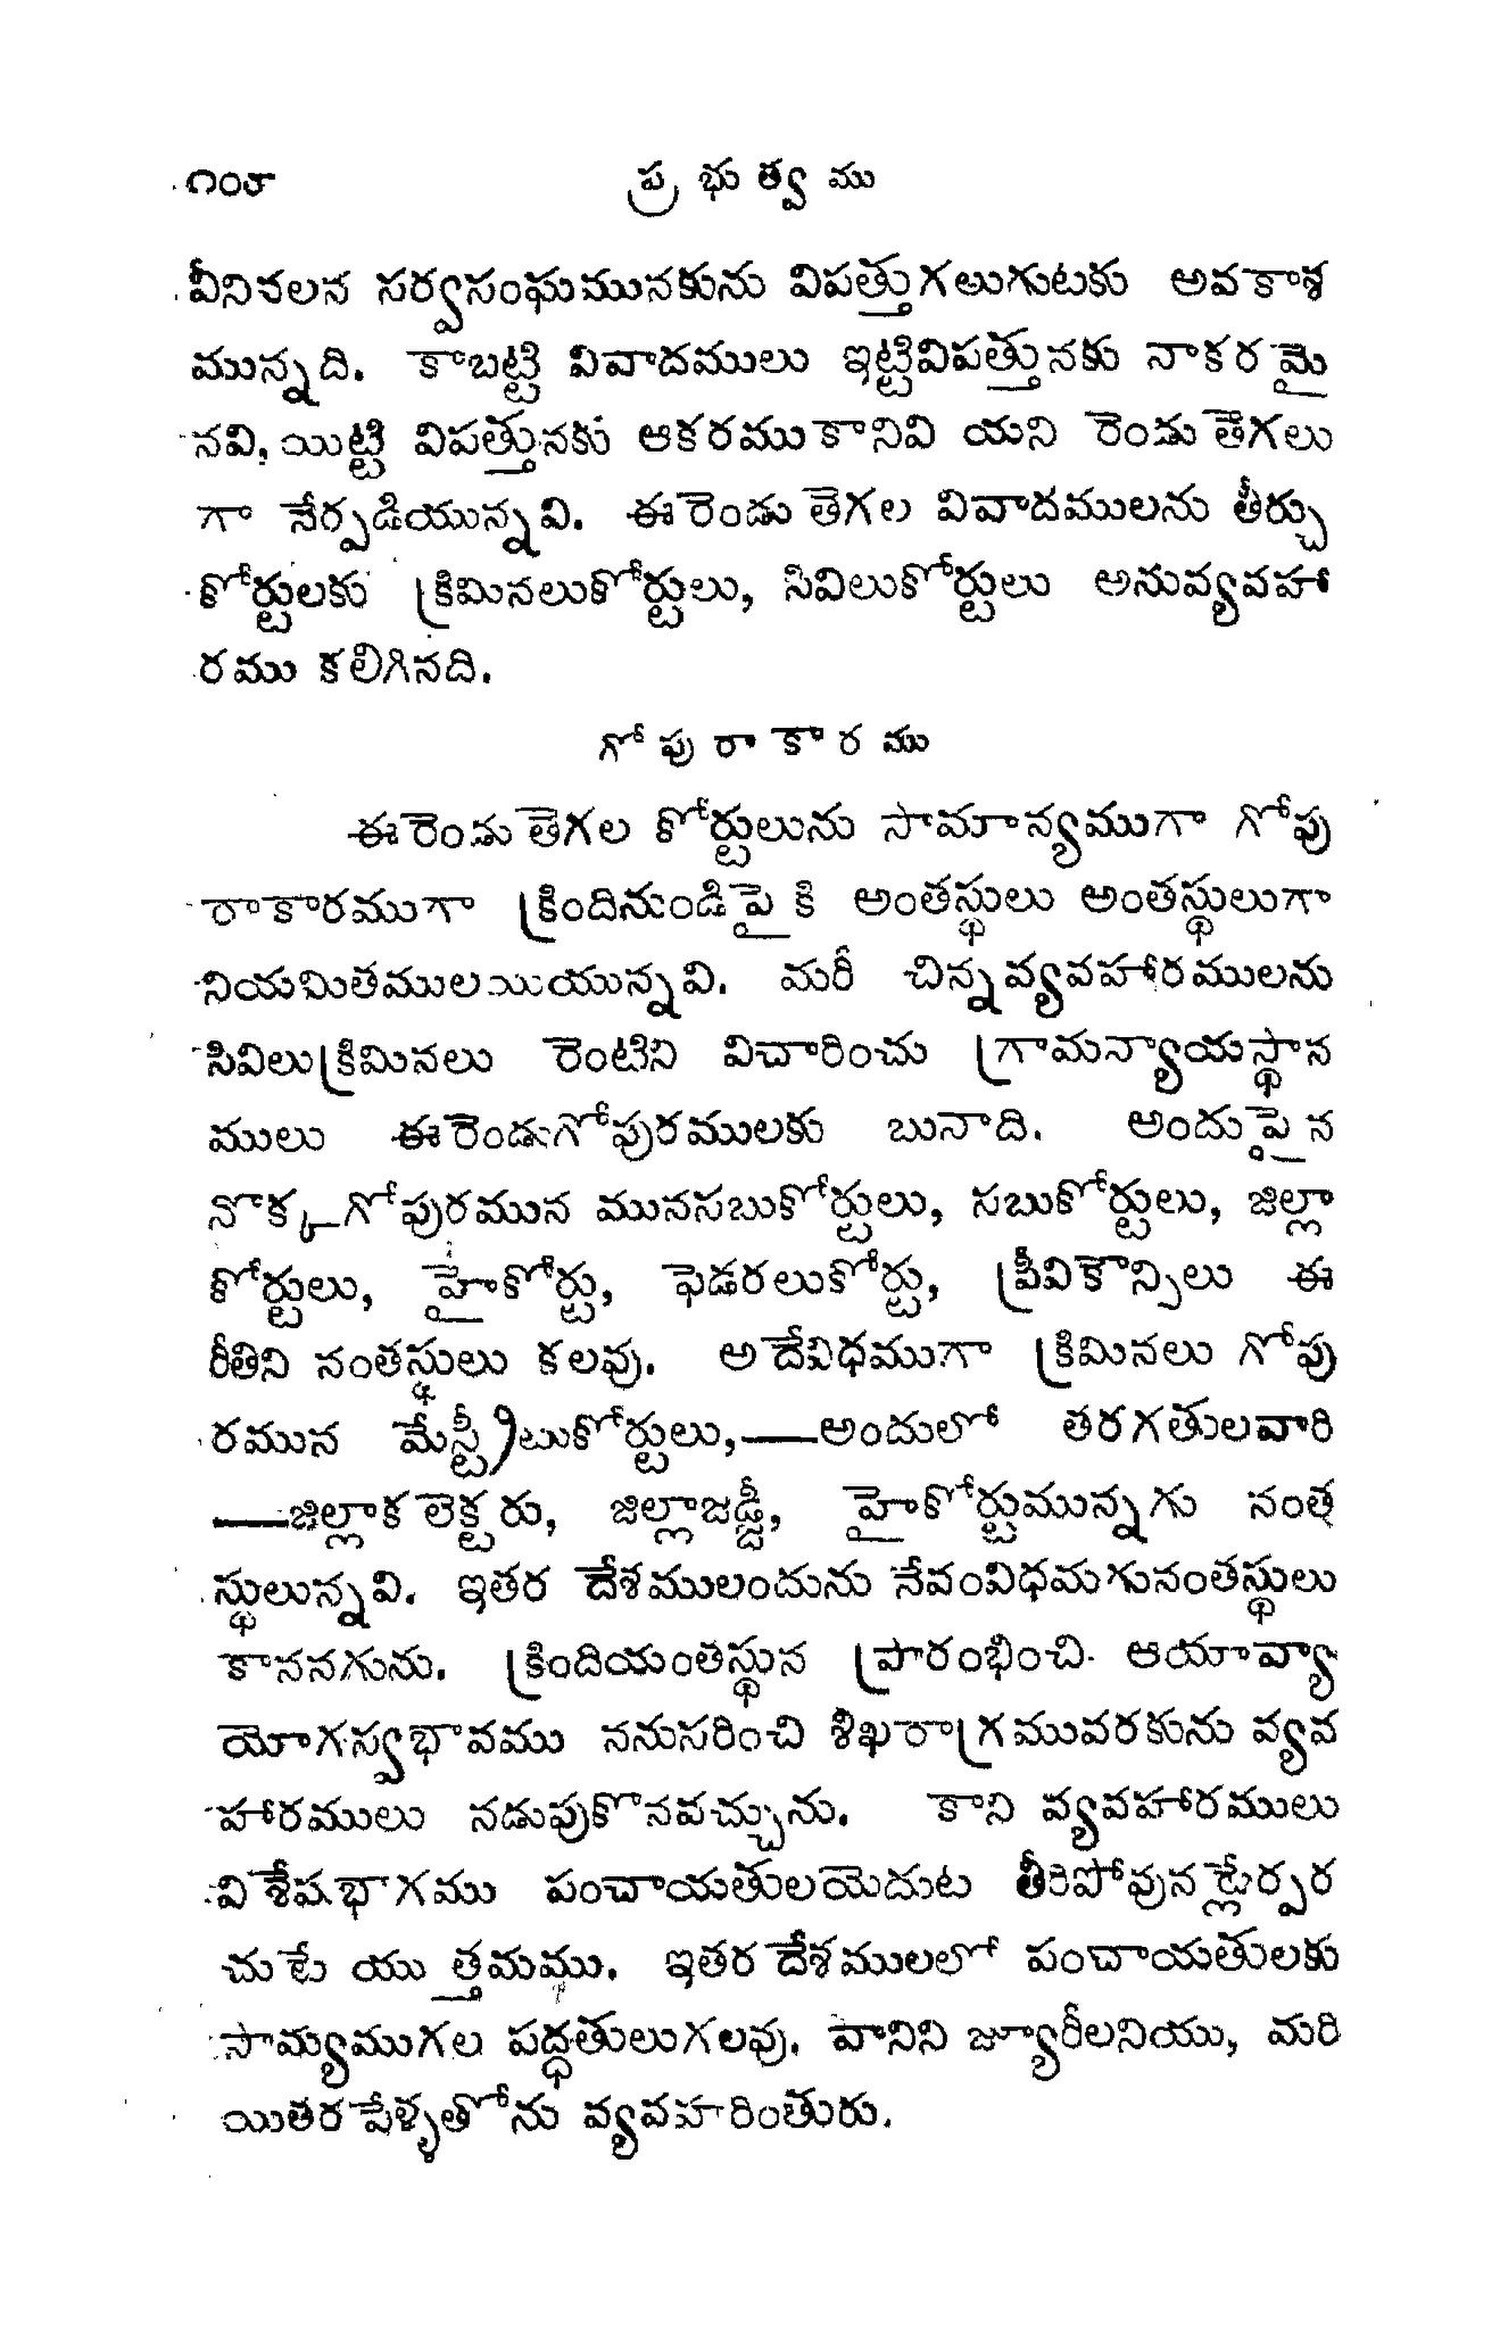వీనివలన సర్వసంఘమునకును విపత్తుగలుగుటకు అవకాశమున్నది. కాబట్టి వివాదములు ఇట్టివిపత్తునకు నాకరమైనవి, యిట్టి విపత్తునకు ఆకరముకానివి యని రెండుతెగలుగా నేర్పడియున్నవి. ఈరెండుతెగల వివాదములను తీర్చు కోర్టులకు క్రిమినలుకోర్టులు, సివిలుకోర్టులు అనువ్యవహారము కలిగినది.

ఈరెండుతెగల కోర్టులును సామాన్యముగా గోపురాకారముగా క్రిందినుండిపైకి అంతస్థులు అంతస్థులుగా నియమితములయియున్నవి. మరీ చిన్న వ్యవహారములను సివిలుక్రిమినలు రెంటిని విచారించు గ్రామన్యాయస్థానములు ఈరెండుగోపురములకు బునాది. అందుపైన నొక్కగోపురమున మునసబుకోర్టులు, సబుకోర్టులు, జిల్లాకోర్టులు, హైకోర్టు, ఫెడరలుకోర్టు, ప్రీవికౌన్సిలు ఈరీతిని నంతస్తులు కలవు. అదేవిధముగా క్రిమినలు గోపురమున మేస్ట్రీటుకోర్టులు, అందులో తరగతులవారి - జిల్లాకలెక్టరు, జిల్లాజడ్డీ, హైకోర్టుమున్నగు నంతస్థులున్నవి. ఇతర దేశములందును నేవంవిధమగు నంతస్థులుకాననగును. క్రిందియంతస్థున ప్రారంభించి ఆయావ్యాయోగస్వభావము ననుసరించి శిఖరాగ్రమువరకును వ్యవహారములు నడుపుకొనవచ్చును. కాని వ్యవహారములు విశేషభాగము పంచాయతులయెదుట తీరిపోవునట్లేర్పరచుటే యుత్తమము. ఇతర దేశములలో పంచాయతులకు
సామ్యముగల పద్ధతులుగలవు. వానిని జ్యూరీలనియు, మరియితర పేళ్ళతోను వ్యవహరింతురు.